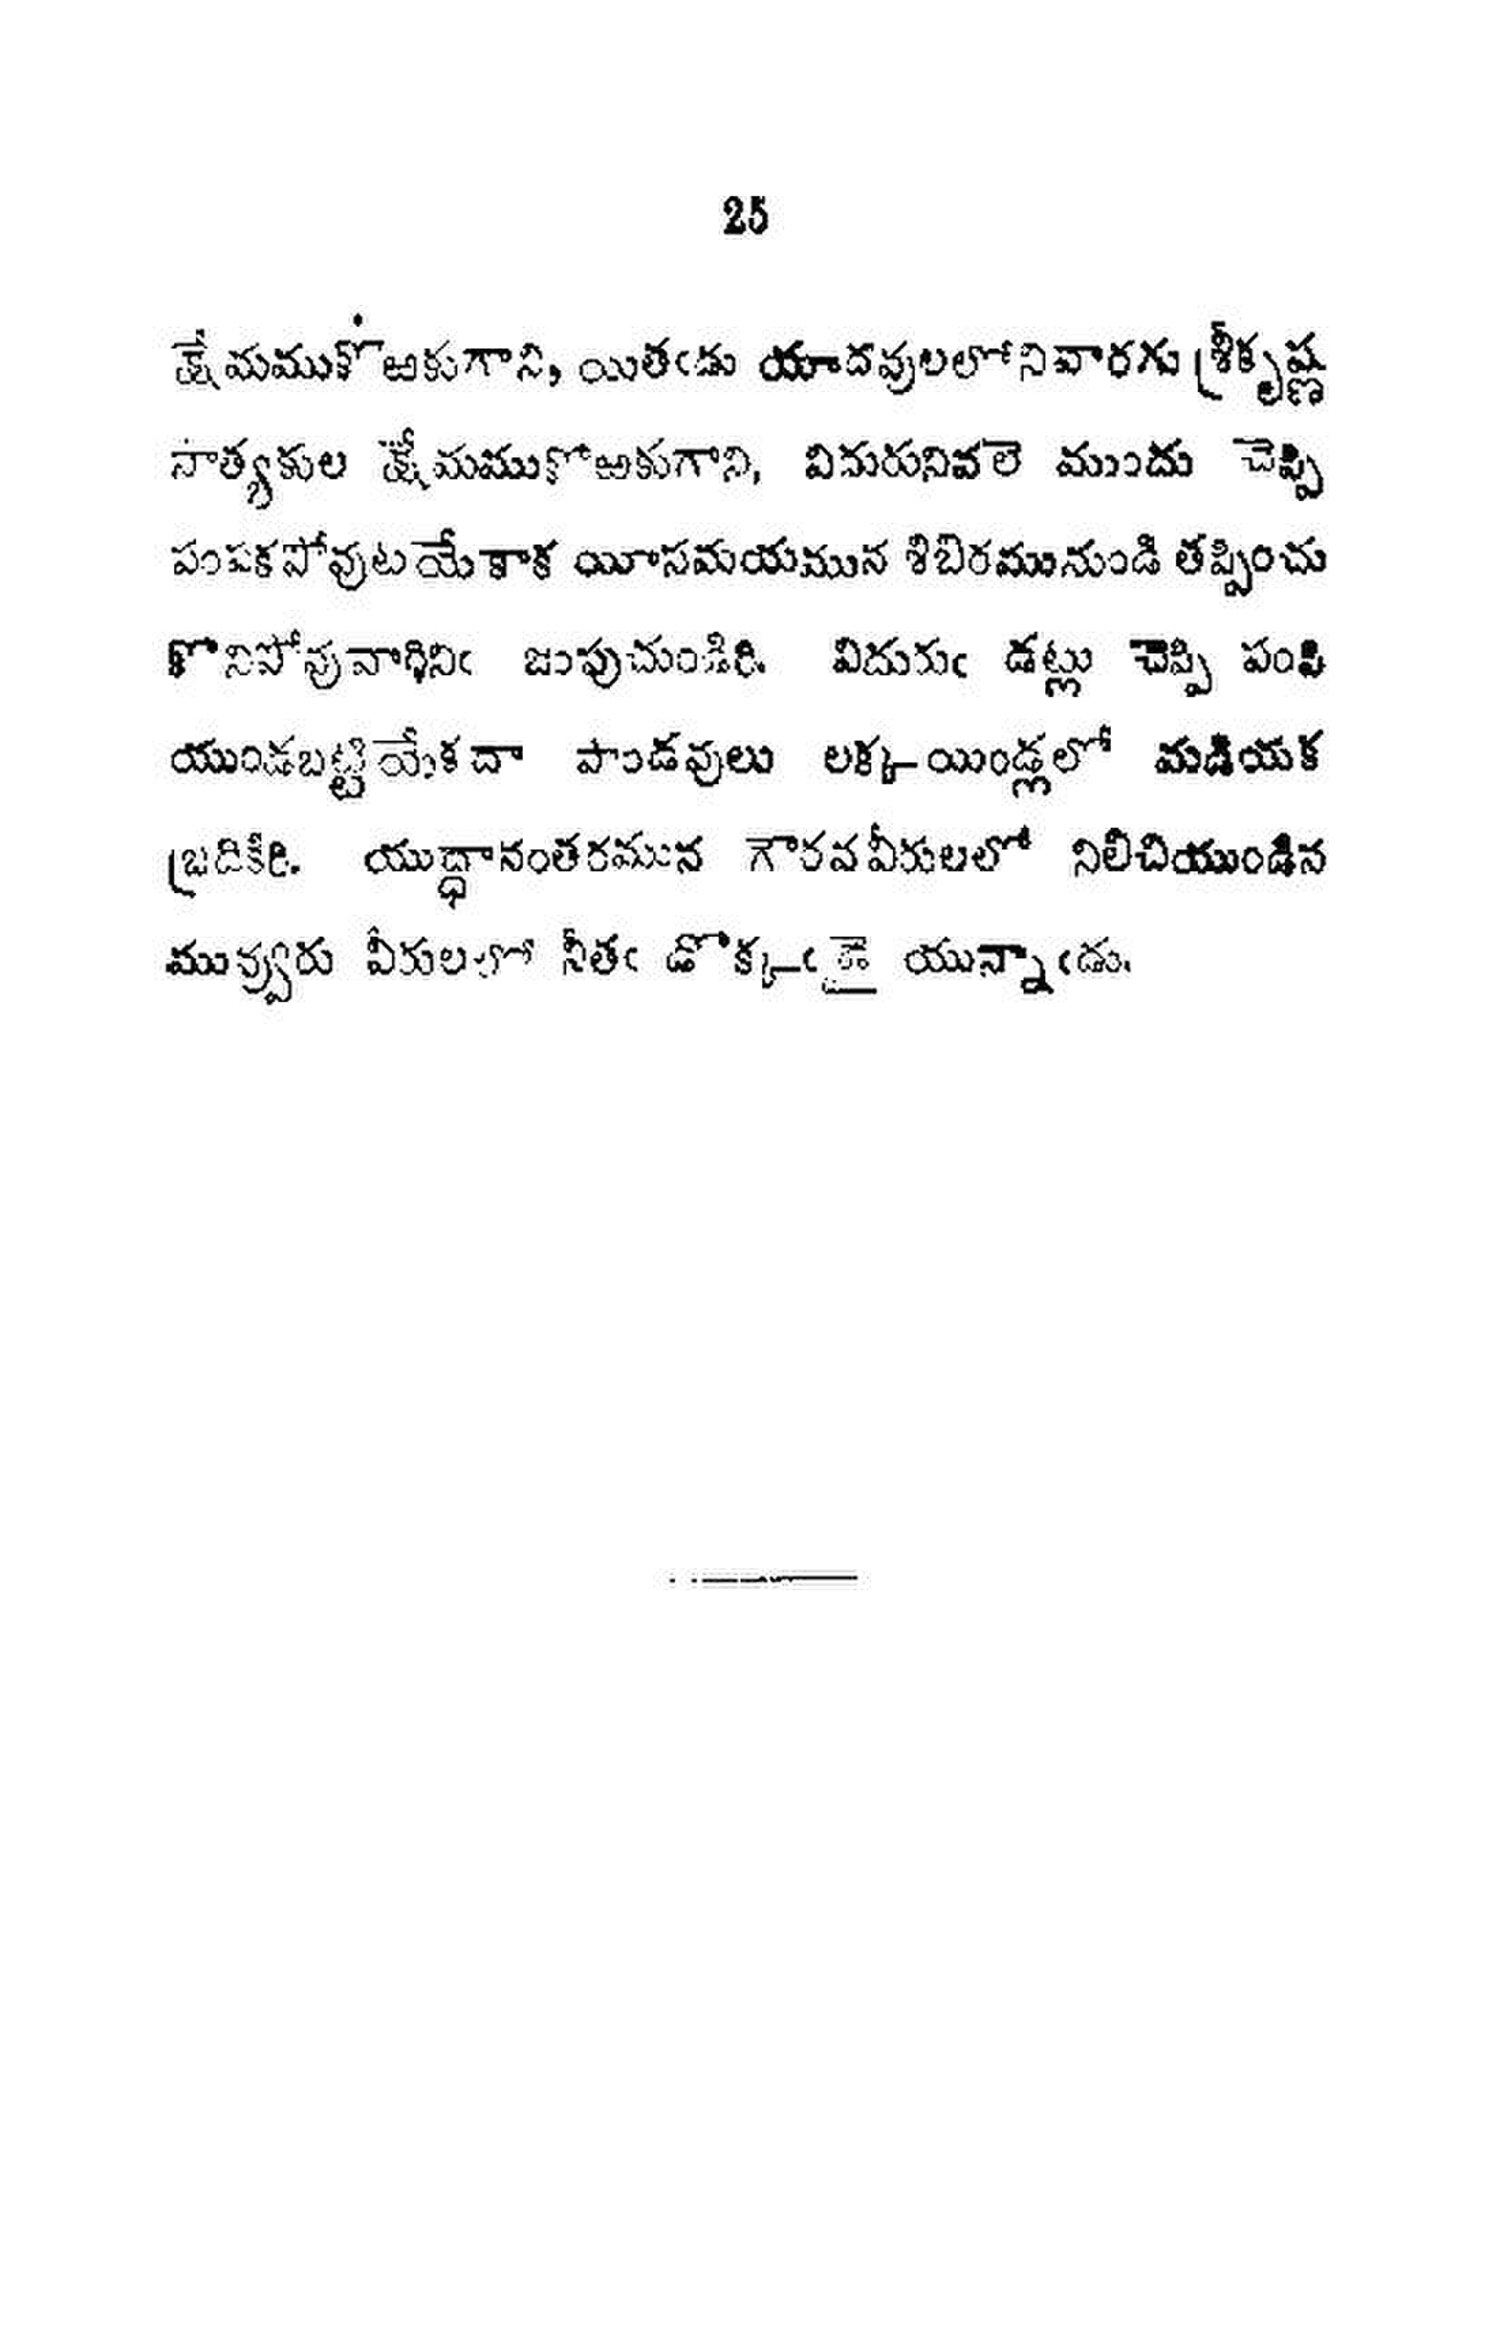క్షేమముకొఱకుగాని, యితఁడు యాదవులలోనివారగు శ్రీకృష్ణసాత్యకుల క్షేమముకొఱకుగాని, విదురునివలె ముందు చెప్పి పంపకపోవుటయేకాక యీసమయమున శిబిరమునుండి తప్పించుకొని పోవువారినిఁ జంపుచుండిరి. విదురుఁ డట్లు చెప్పి పంపి యుండబట్టియేకదా పాండవులు లక్కయిండ్లలో మడియక బ్రదికిరి. యుద్ధానంతరమున గౌరవవీరులలో నిలిచియుండిన మువ్వురు వీరులలో నీతఁ డొక్కఁడై యున్నాఁడు.

__________